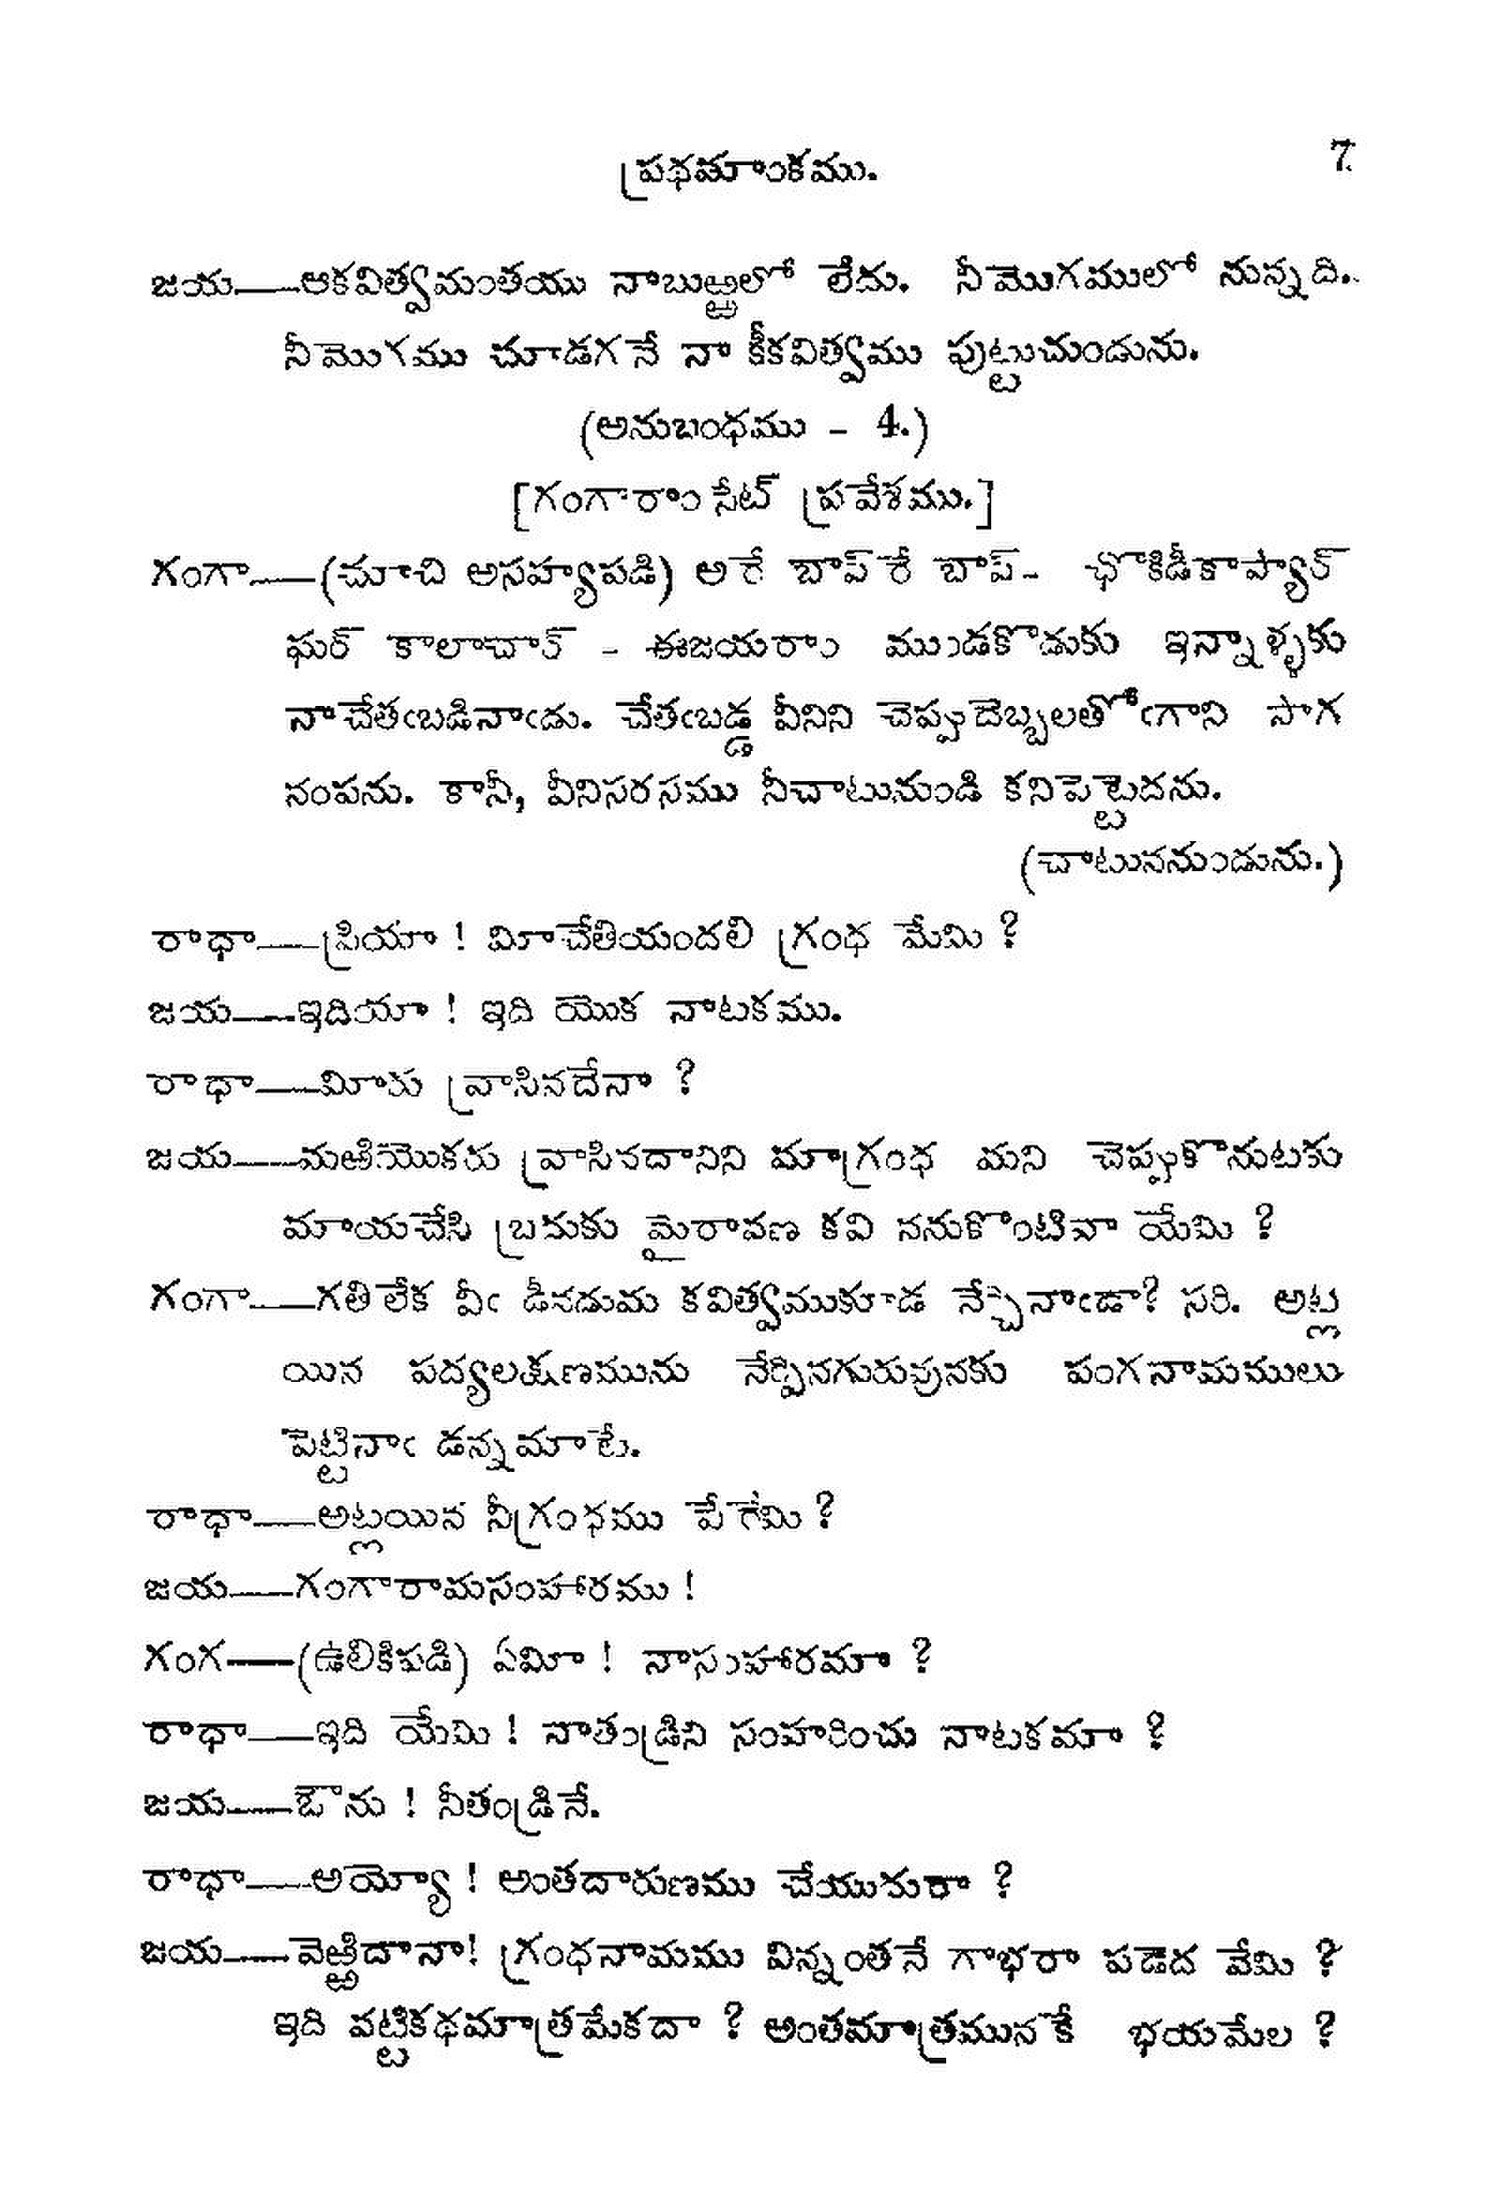జయ - అకవిత్వమంతయు నాబుఱ్ఱలో లేదు. నీ మొగములో నున్నది. నీ మొగము చూడగనే నా కీకవిత్వము పుట్టుచుండును.

గంగా - (చూచి అసహ్యపడి) అరే బాప్ రే బాప్- చొకిడీకాప్యార్ ఘర్ కాలాచార్ ఈజయరాం ముండకొడుకు ఇన్నాళ్ళకు నా చేతఁబడినాఁడు. చేతఁబడ్డ వీనిని చెప్పుదెబ్బలతోఁగాని సాగనంపను. కానీ, వీనిసరసము నీచాటునుండి కనిపెట్టెదను.

రాధా -- ప్రియా ! మీచేతియందలి గ్రంధ మేమి ?

జయ -- ఇదియా! ఇది యొక నాటకము.

రాధా - మీరు వ్రాసినదేనా ?

జయ - మఱియొకరు వ్రాసినదానిని మాగ్రంధ మని చెప్పుకొనుటకు మాయచేసి బ్రతుకు మైరావణ కవి ననుకొంటివా యేమి ?

గంగా - గతిలేక వీఁ డీనడుమ కవిత్వముకూడ నేర్చినాఁడా? సరి. అట్లయిన పద్యలక్షణమును నేర్పినగురువునకు పంగనామములు పెట్టినాఁ డన్నమాటే.

రాధా - అట్లయిన నీగ్రంధము పేరేమి ?

జయ - గంగారామసంహారము !

గంగ - (ఉలికిపడి) ఏమీ ! నాసంహారమా ?

రాధా - ఇది యేమి ! నాతండ్రిని సంహరించు నాటకమా?

జయ - ఔను ! నీతండ్రినే.

రాధా -- అయ్యో ! అంతదారుణము చేయుదురా ?

జయ -- వెఱ్ఱిదానా! గ్రంధనామము విన్నంతనే గాభరా పడెద వేమి ? ఇది వట్టికథమాత్రమేకదా ? అంతమాత్రమునకే భయమేల ?